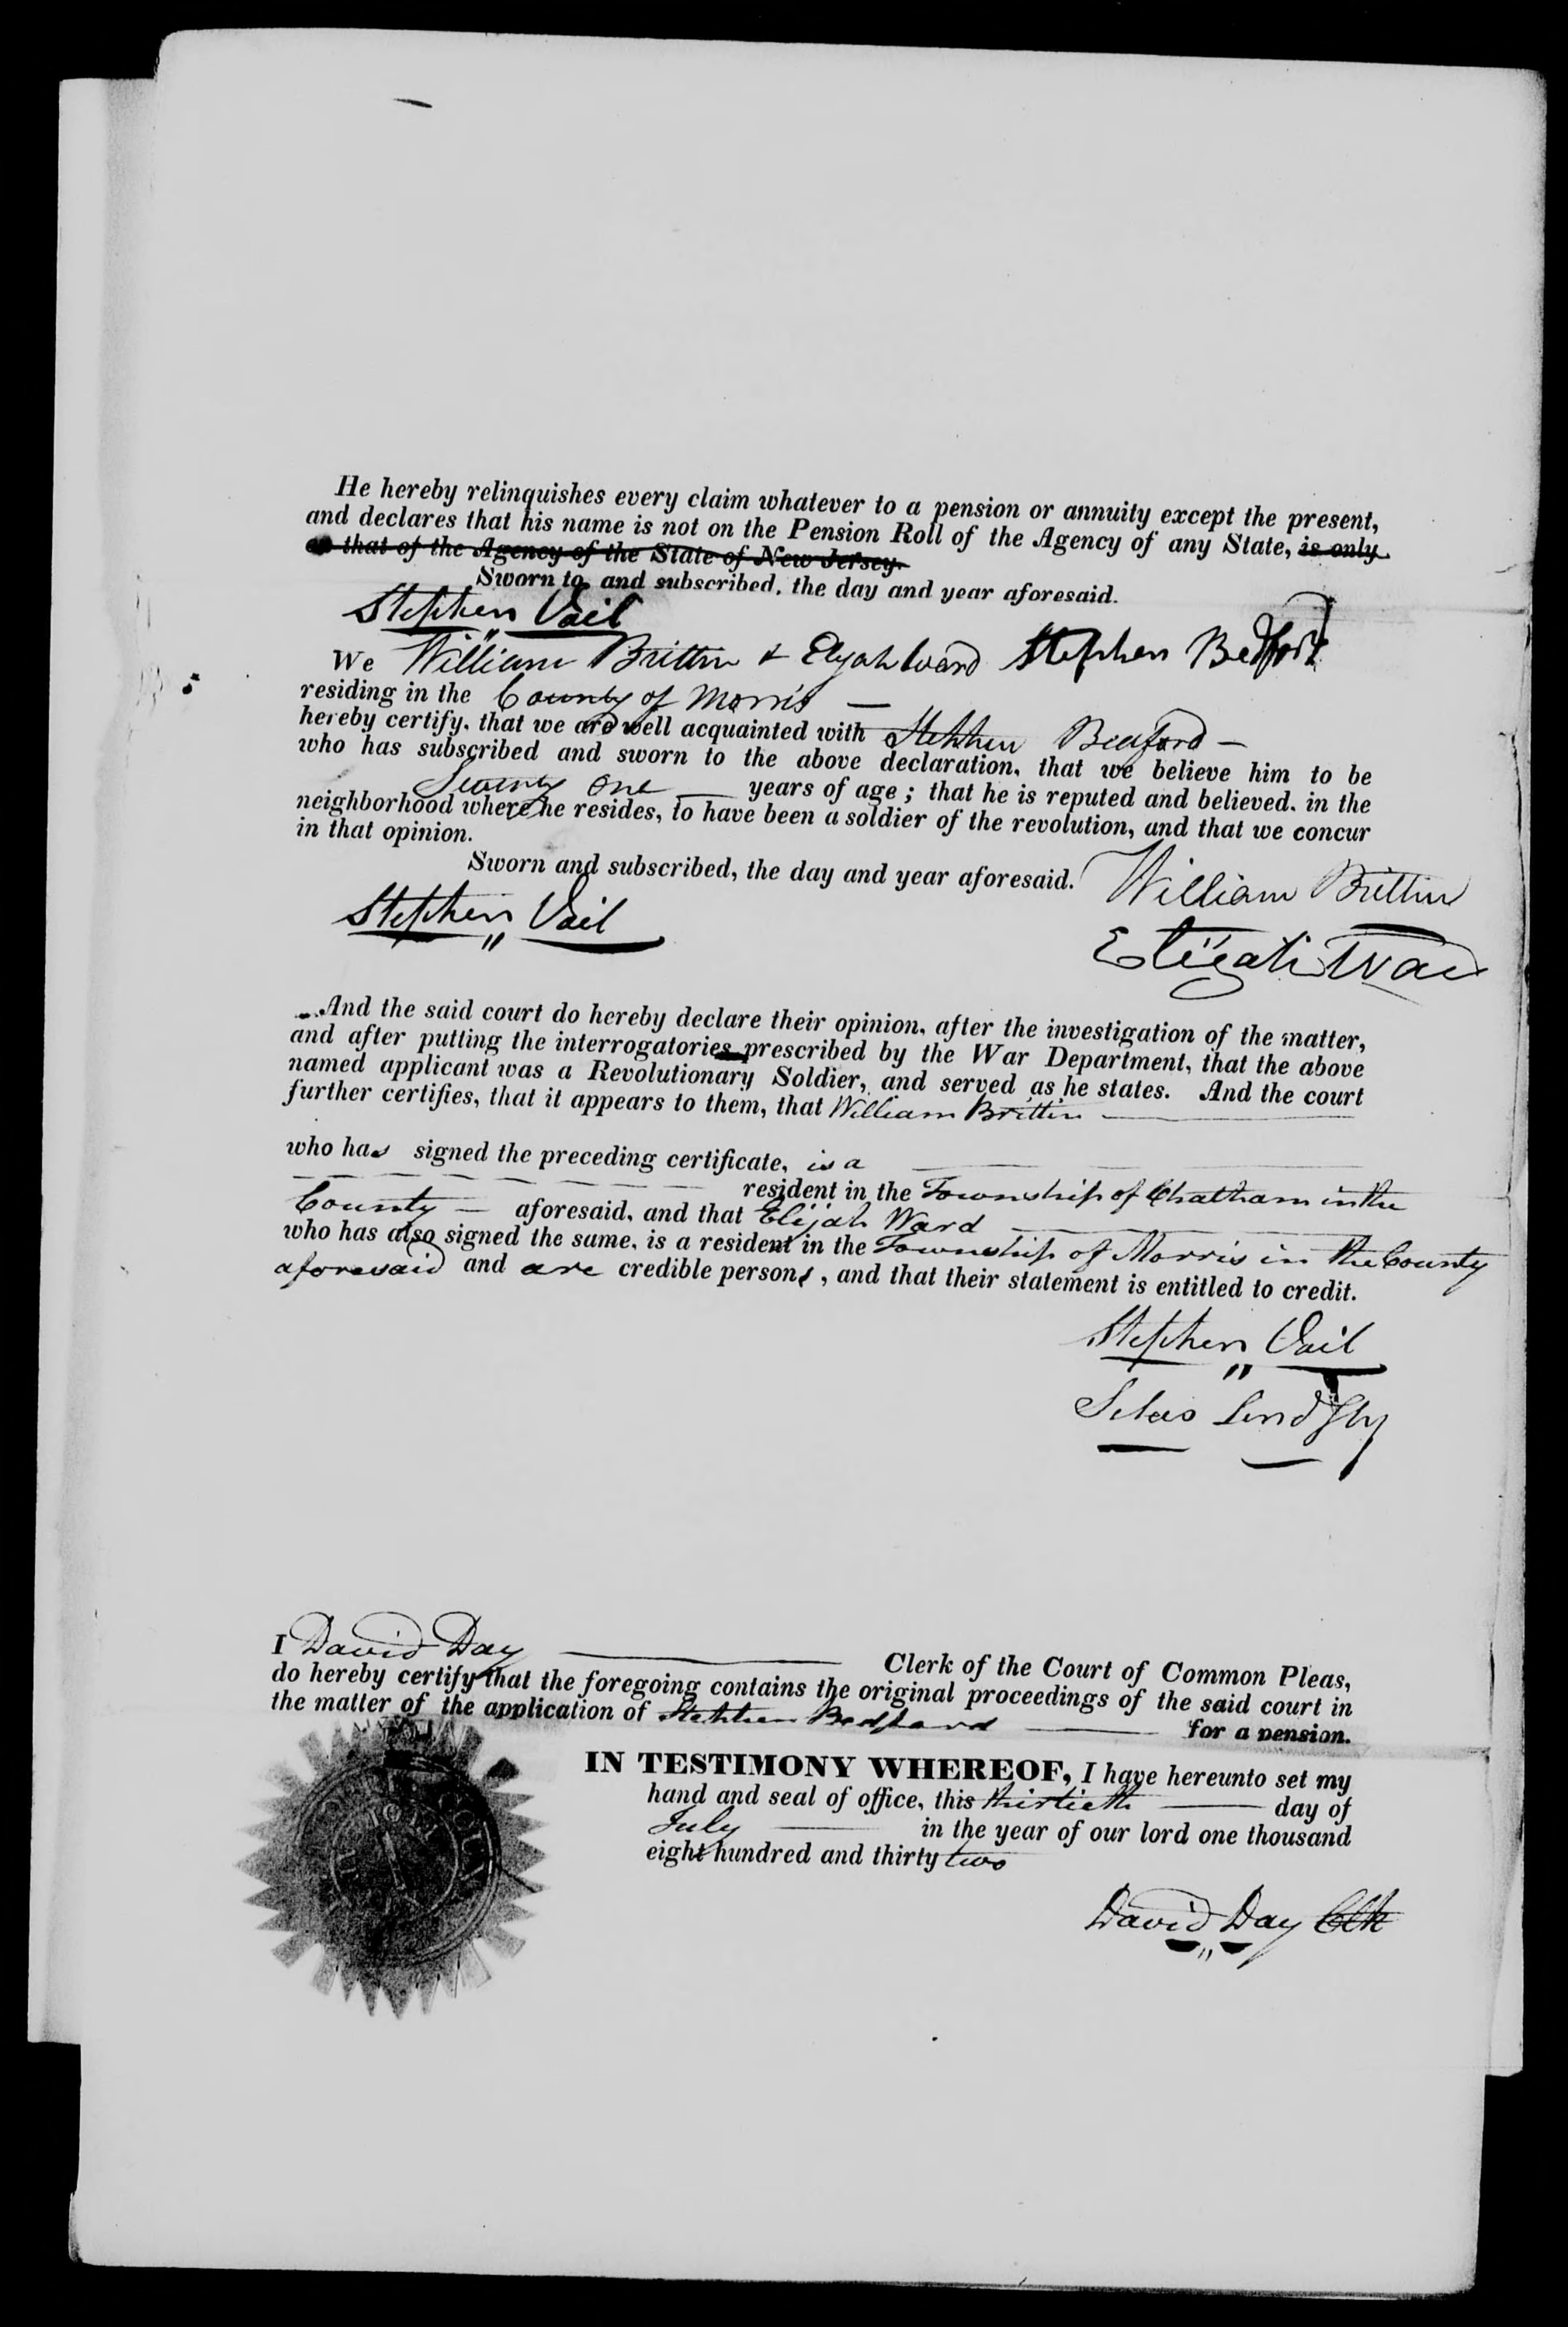He hereby relinquishes every claim whatever to a pension or annuity except the present, and declares that his name is not on the Pension Roll of the Agency of any State, [is only on that of the Agency of the State of New Jersey -crossed out]
Sworn to, and subscribed, the day and year aforesaid.
Stephen Vail
We William Brittin & Elijah Ward Stephen Bedford
residing in the County of Morris hereby certify, that we are well acquainted with Stephen Bedford who has subscribed and sworn to the above declaration, that we believe him to be Seventy one years of age; that he is reputed and believed, in the neighborhood where he resides, to have been a soldier of the revolution, and that we concur in that opinion.
Sworn and subscribed, the day and year aforesaid. William Brittin
Stephen Vail Elijah Ward
And the said court do hereby declare their opinion, after the investigation of the matter, and after putting the interrogatories prescribed by the War Department, that the above named applicant was a Revolutionary Soldier, and served as he states. And the court further certifies, that it appears to them, that William Brittin who has signed the preceding certificate, is a resident in the Township of Chatham in the County aforesaid, and that Elijah Ward who has also signed the same, is a resident in the Township of Morris in the County aforesaid and are credible persons, and that their statement is entitled to credit.
Stephen Vail
Silas Lindsey

I David Day Clerk of the Court of Common Pleas, do hereby certify that the foregoing contains the original proceedings of the said court in the matter of the application of Stephen Bedford for a pension
IN TESTIMONY WHEREOF, I have hereunto set my hand and seal of office, this thirtieth day of July in the year of our Lord one thousand eight hundred and thirty two
David Day Clk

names: Stephen Vail, Elijah Ward, Stephen Bedford, Stephen Bedford, William Brittin, Stephen Vail, David Day, Stephen Vail, David Day, William Brittin, Elijah Ward, Elijah Ward, Stephen Bedford, William Brittin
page: 6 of 31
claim: survivor's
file: S. 2372, Stephen Bedford, New Jersey